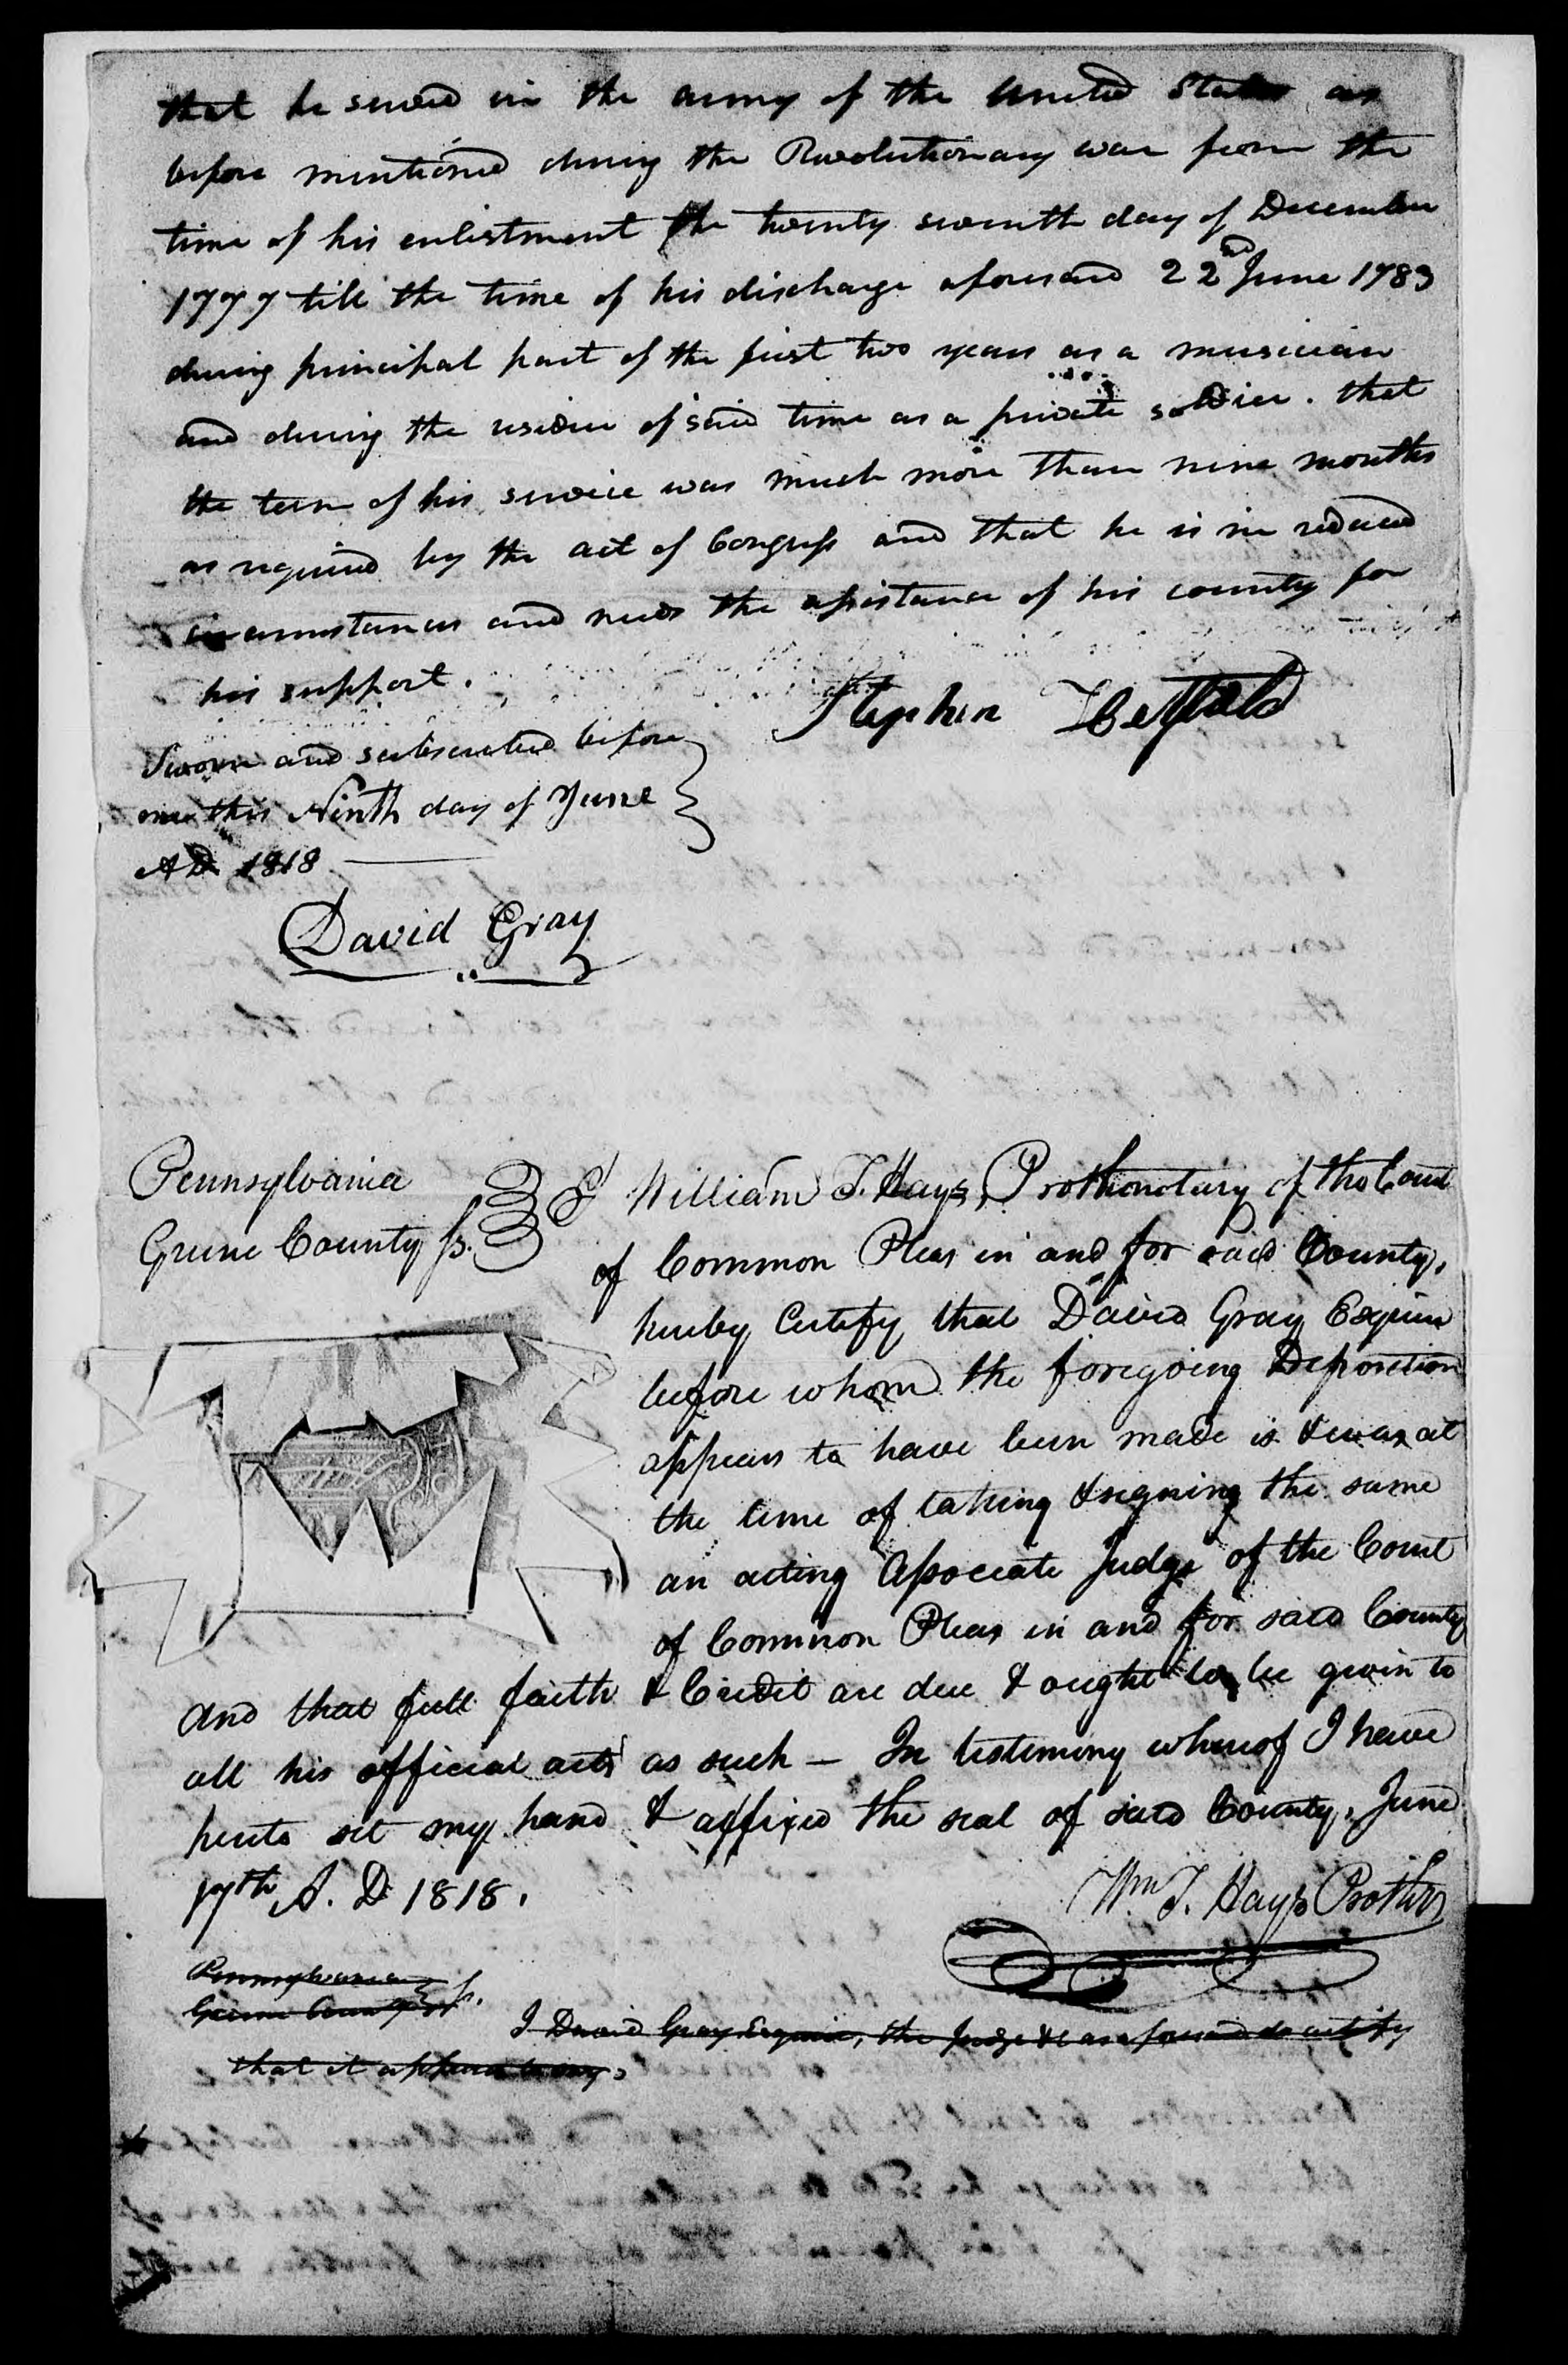that he served in the army of the United States as
before mentioned during the Revolutionary War from the
time of his enlistment the twenty seventh day of December
1777 till the time of his discharge aforesaid 22 June 1783
during principal part of the first two years as a musician
and during the residue of said time as a private soldier  that
the term of his service was much more than nine months
as required by the act of Congress and that he is in reduced
circumstances and needs the assistance of his country for
his support

Sworn and subscribed before
me this Ninth day of June
A.D. 1818
David Gray

Stephen Hetfield

Pennsylvania
Greene County Ss.

William T. Hays, Prothonotary of the Court 
of Common Pleas in and for said County
hereby certify that David Gray Esquire
before whom the foregoing Deposition
appears to have been made is & was at
the time of taking forgoing the same
an acting Associate Judge of the Court
of Common Pleas in and for said County
and that full faith & Credit are due & ought to be given to
all his official acts as such - In testimony whereof I have
hereto set my hand & affixed the seal of said County, June
17th A.D. 1818.
[There is a seal affixed to the left of the above.]

Wm T. Hay Protho  [followed by flourishes]

[The following words were written and then struck out.]

Pennsylvania
Greene County Ss.

I David Gray Esquire, the Judge [illegible] as aforesaid do certify
that it appears [illegible]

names: Stephen Hetfield, David Gray, Wm T Hays, David Gray, William T Hays, David Gray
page: 11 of 45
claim: widow's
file: W. 2734, Stephen Hetfield, New Jersey